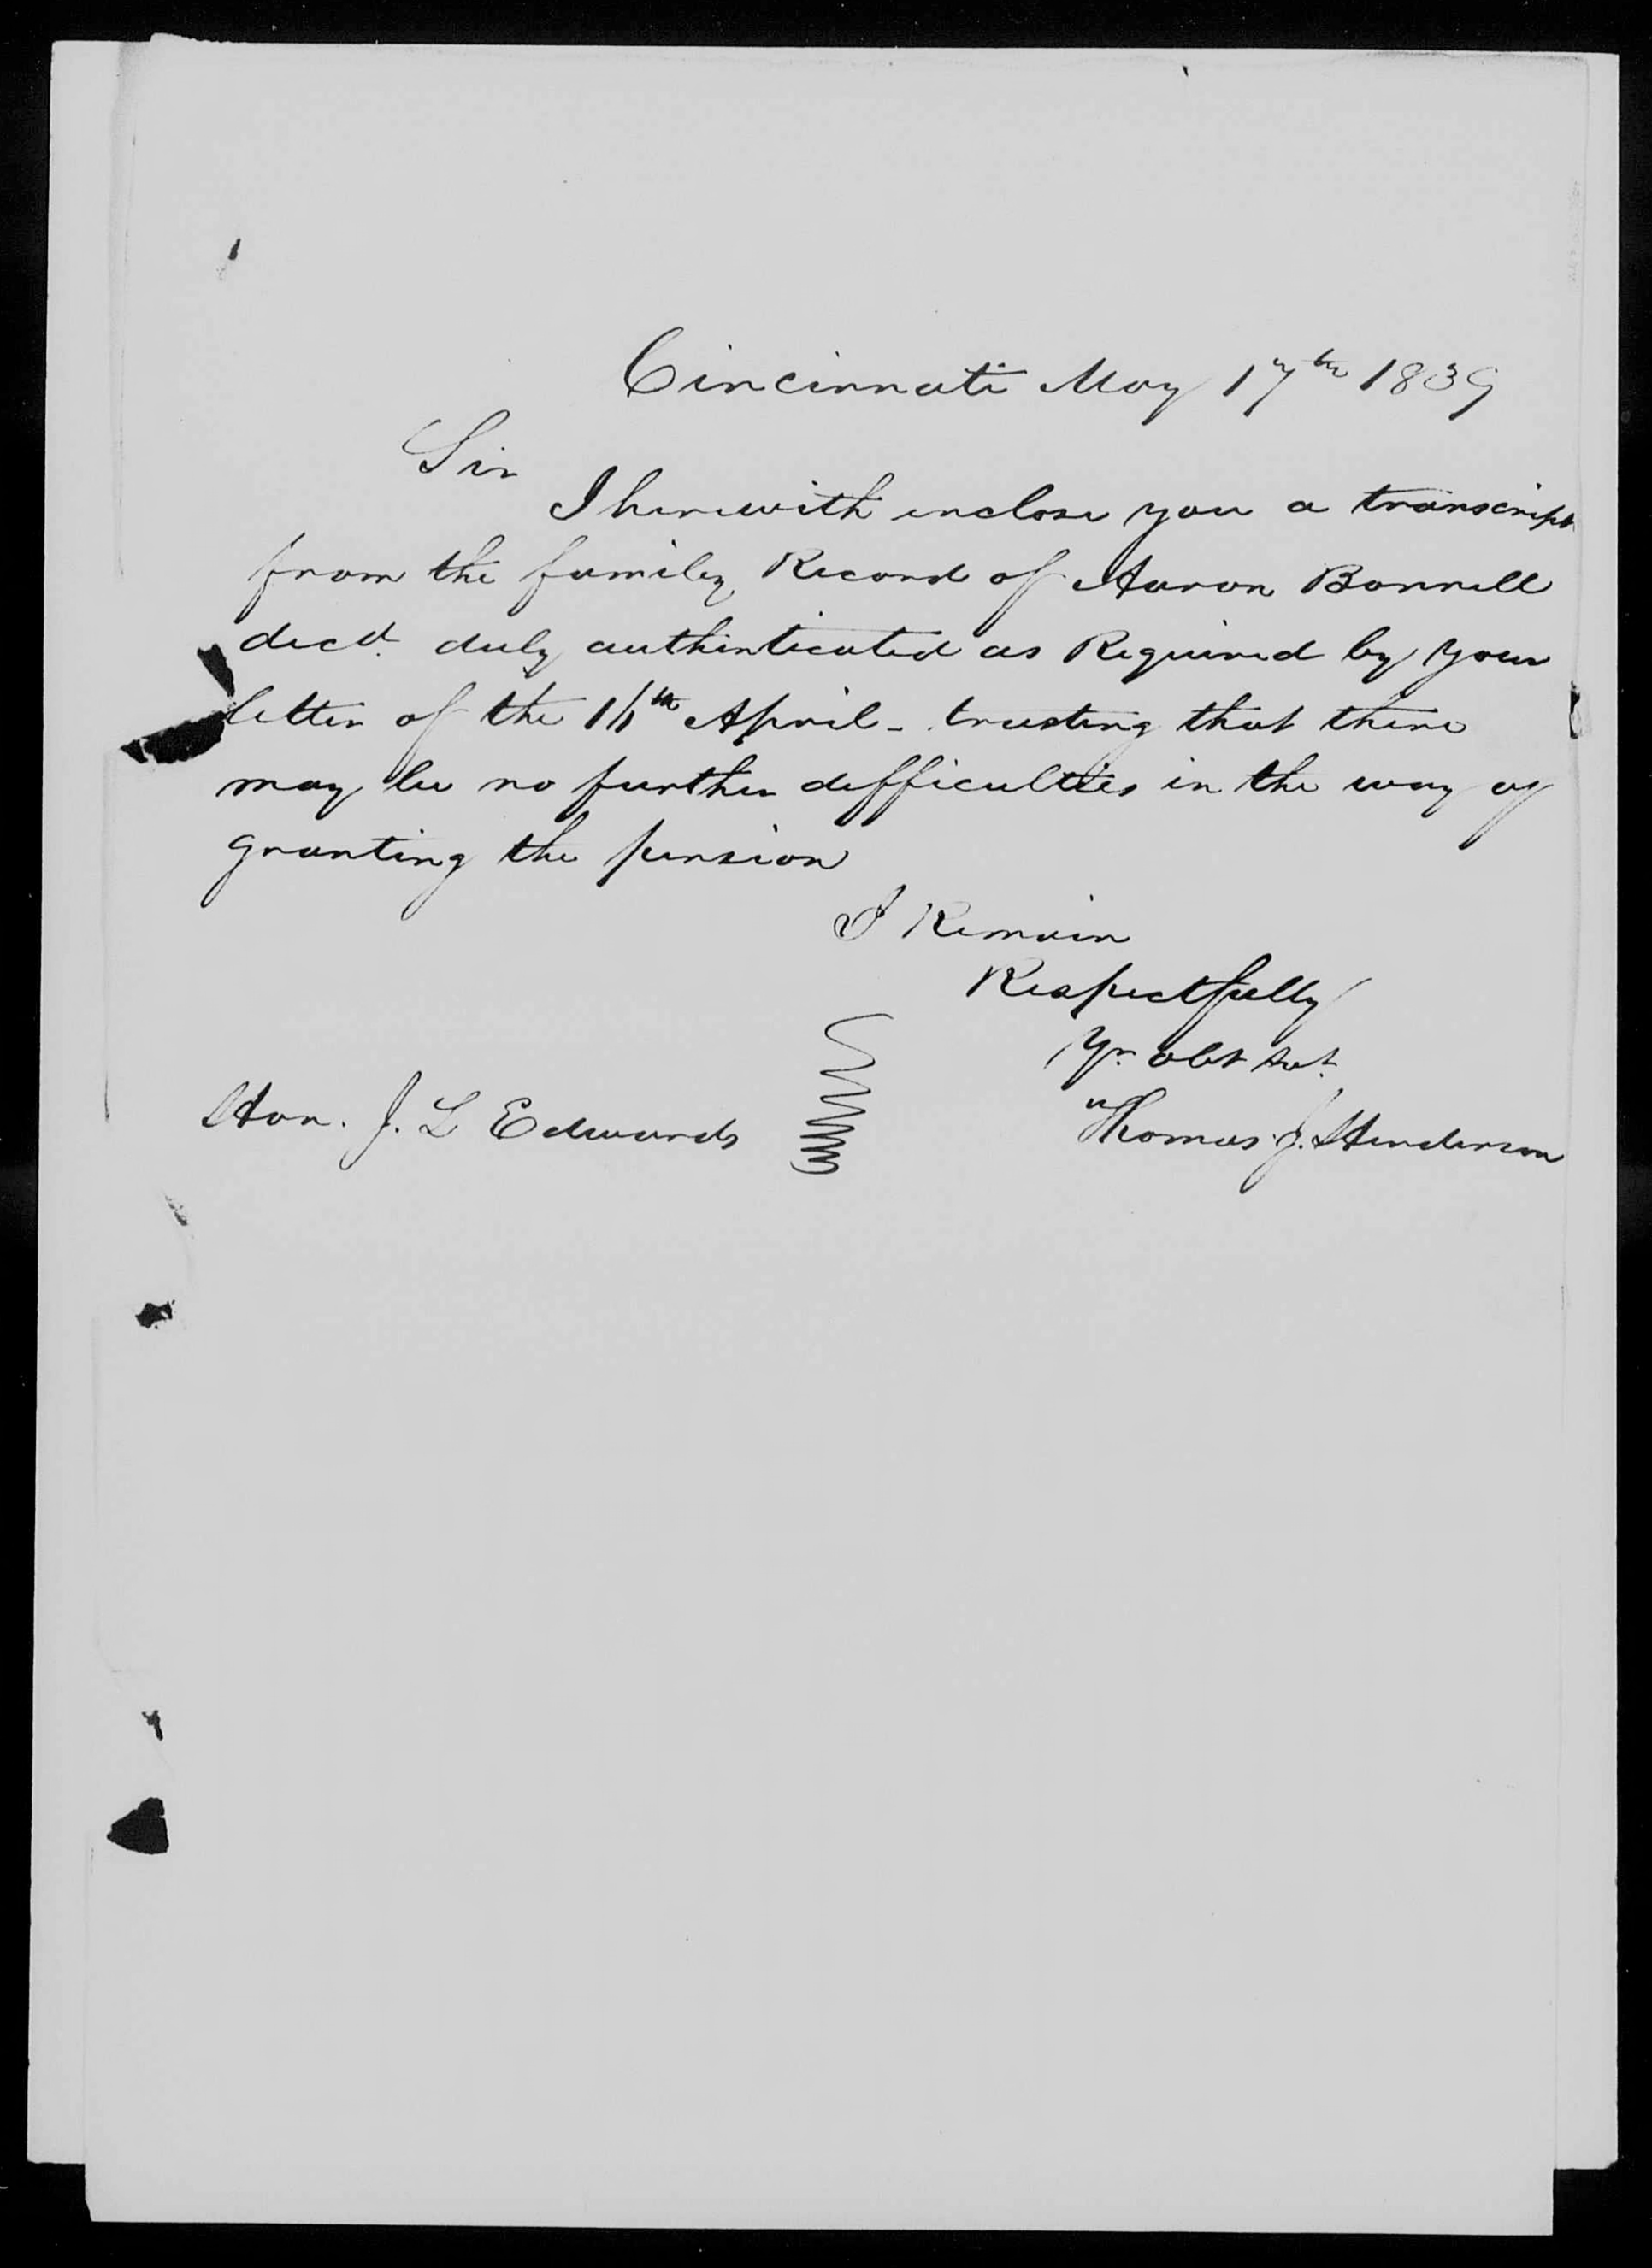Cincinnati May 17th 1839
Sir,
I herewith inclose you a transcript from the family record of Aaron Bonnell decd duly authenticated as required by your letter of the 16th April.  Trusting that there may be no further difficulties in the way of granting the pension
I remain
Respectfully
Yr obt svt
Thomas J. Henderson

Hon. J. L. Edwards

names: Thomas J Henderson, J L Edwards, Aaron Bonnell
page: 50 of 67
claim: rejected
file: R. 1009, Aaron Bonnel, New Jersey